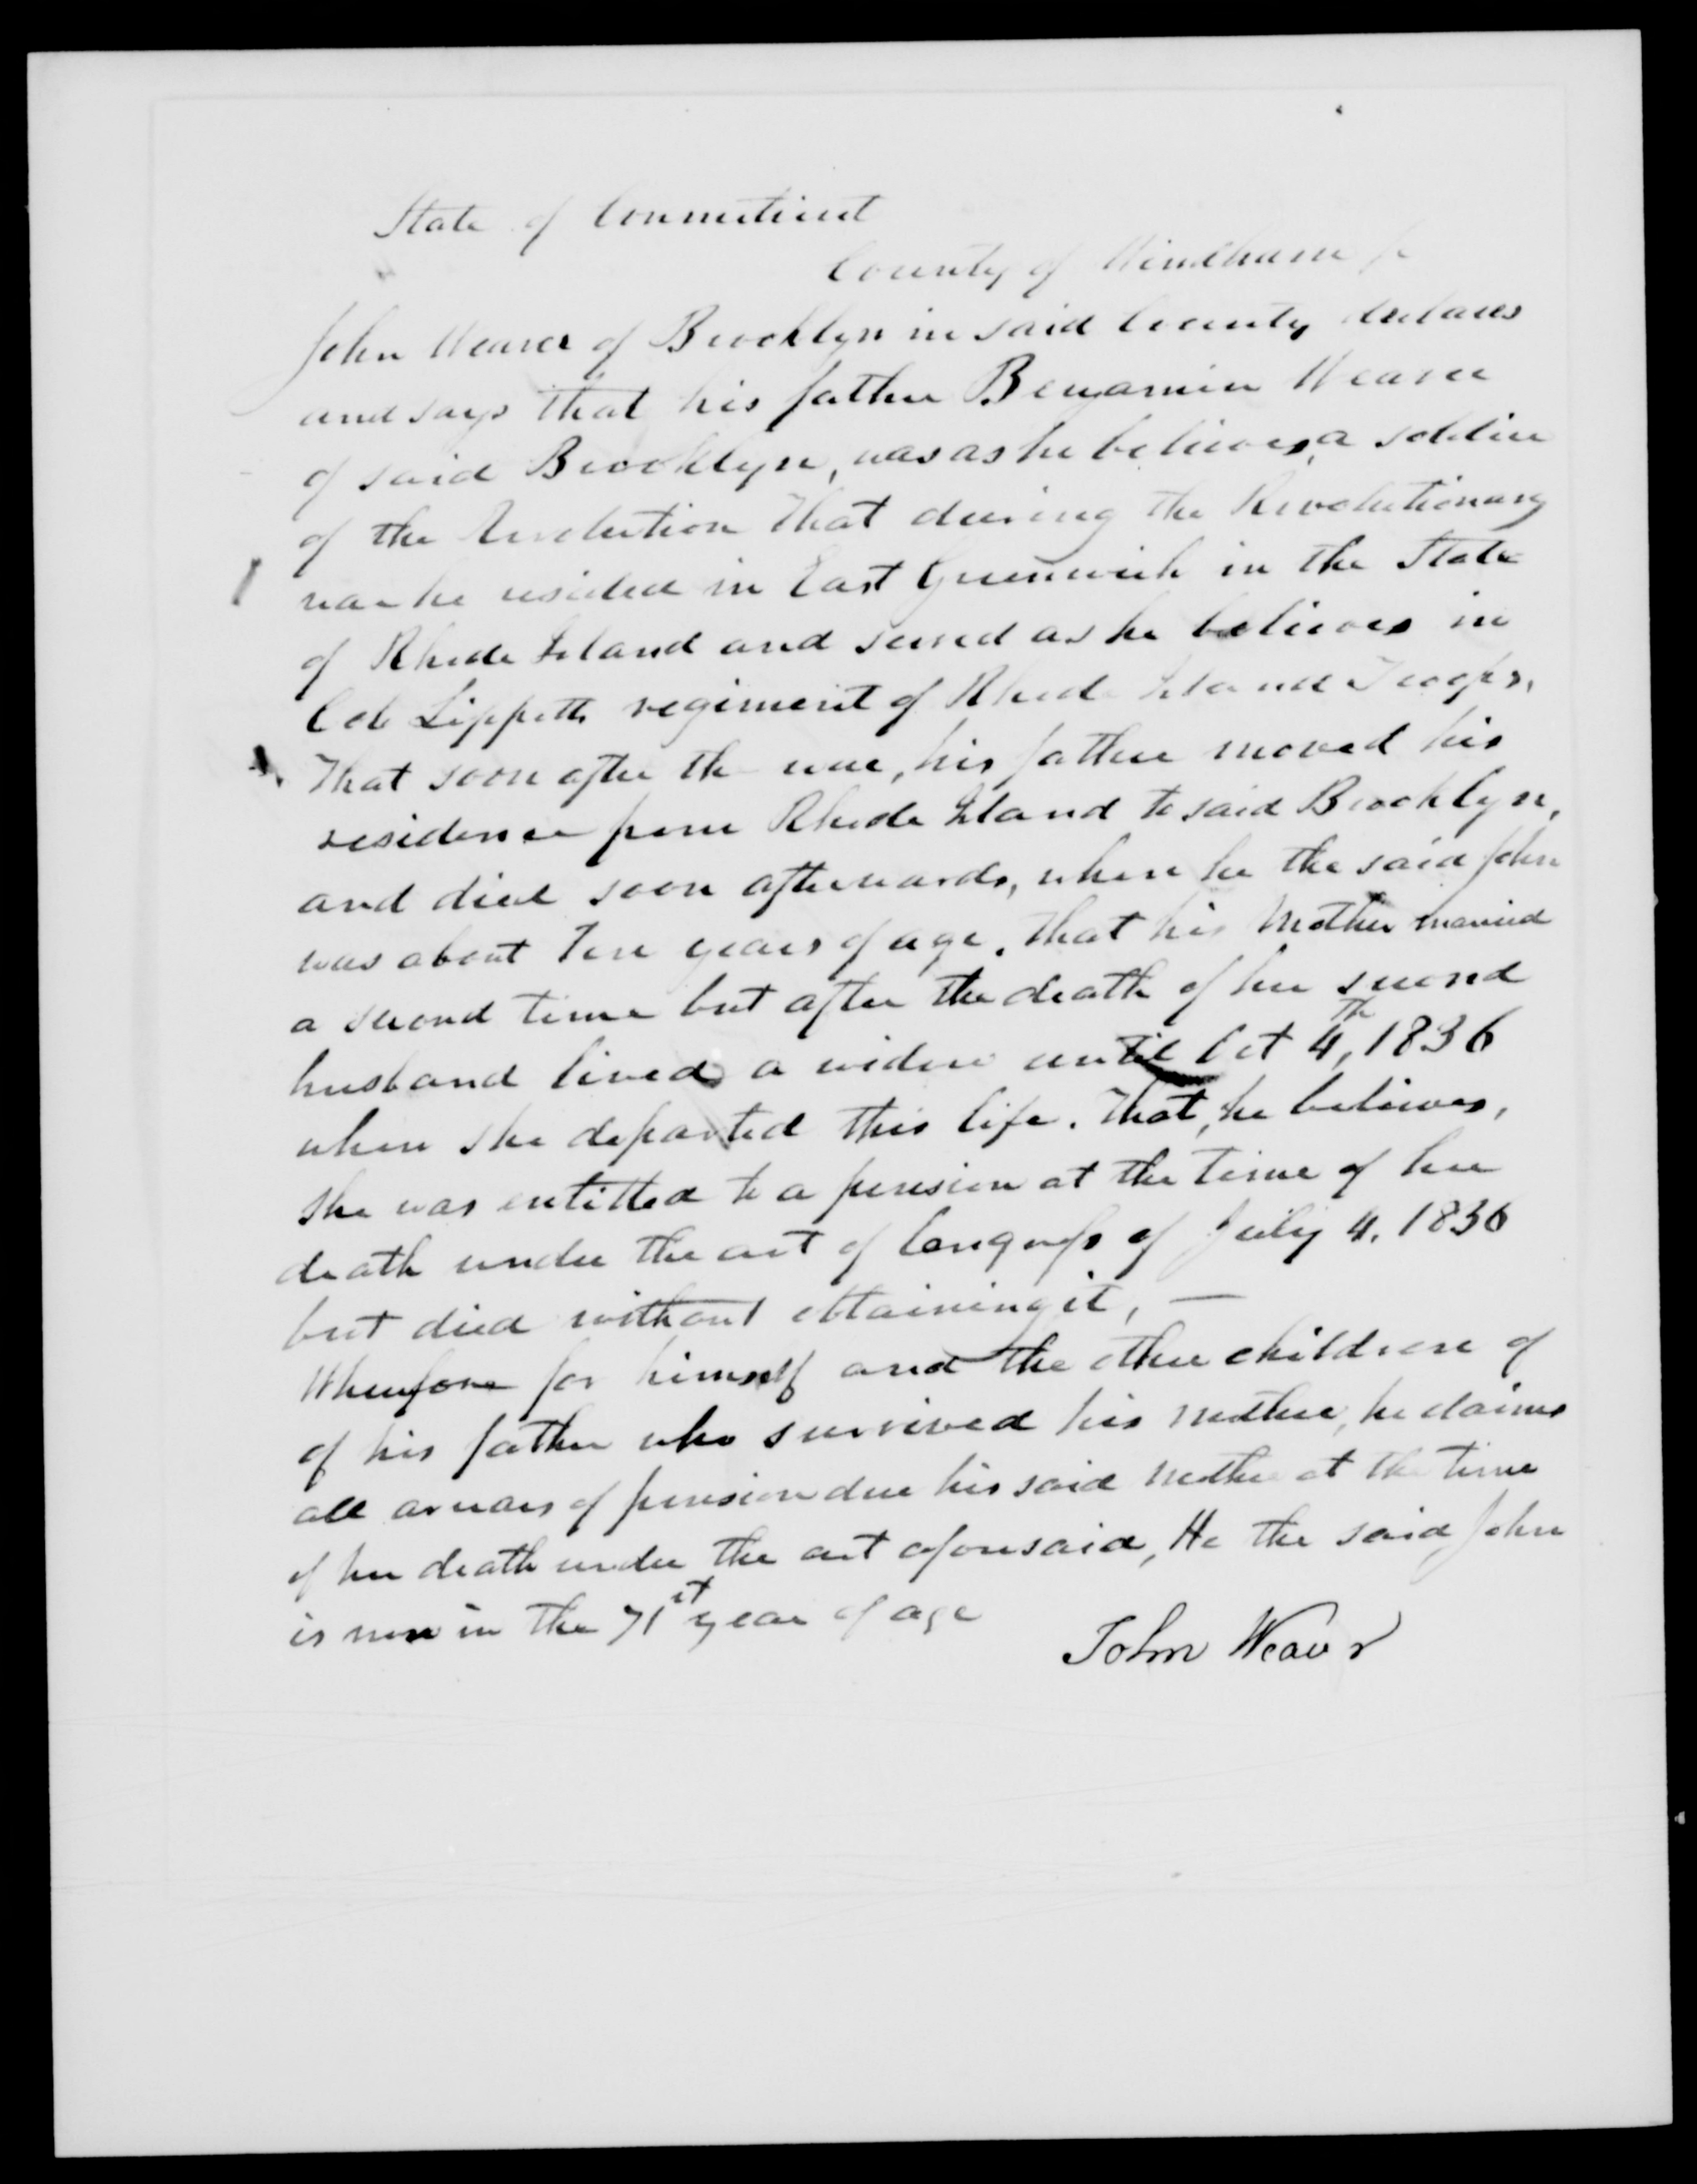State of Connecticut

County Windham

John Weaver of Brooklyn in said County declares and says that his father Benjamin Weaver of said Brooklyn, was as he believes a soldier of the Revolution that during the Revolutionary war he enlisted in East Greenwich 
In the State of Rhode Island and served as he believes in Col Lippitts regiment of Rhode Island  
troops, That soon after the war, his father moved his residence from Rhode Island to said Brooklyn, and died soon afterwards, when he the said John was about ten years of age. That his mother married a second time but after the death of her second husband lived a widow until Oct 4th, 1836 when she departed this life. that, he believes,, she was entitled  to a pension at the time of her death under the act of Congress of July 4, 1836 but died without attaining it.-
Wherefore for himself and the other children of his father who survived his mother, he claims all _____ of pension due his said mother at the time of her death under the act aforesaid, He the said John is now in the 71st year of age

John Weaver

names: Benjamin Weaver, John Weaver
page: 3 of 53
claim: widow's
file: W 17707, Benjamin Weaver, R.I.